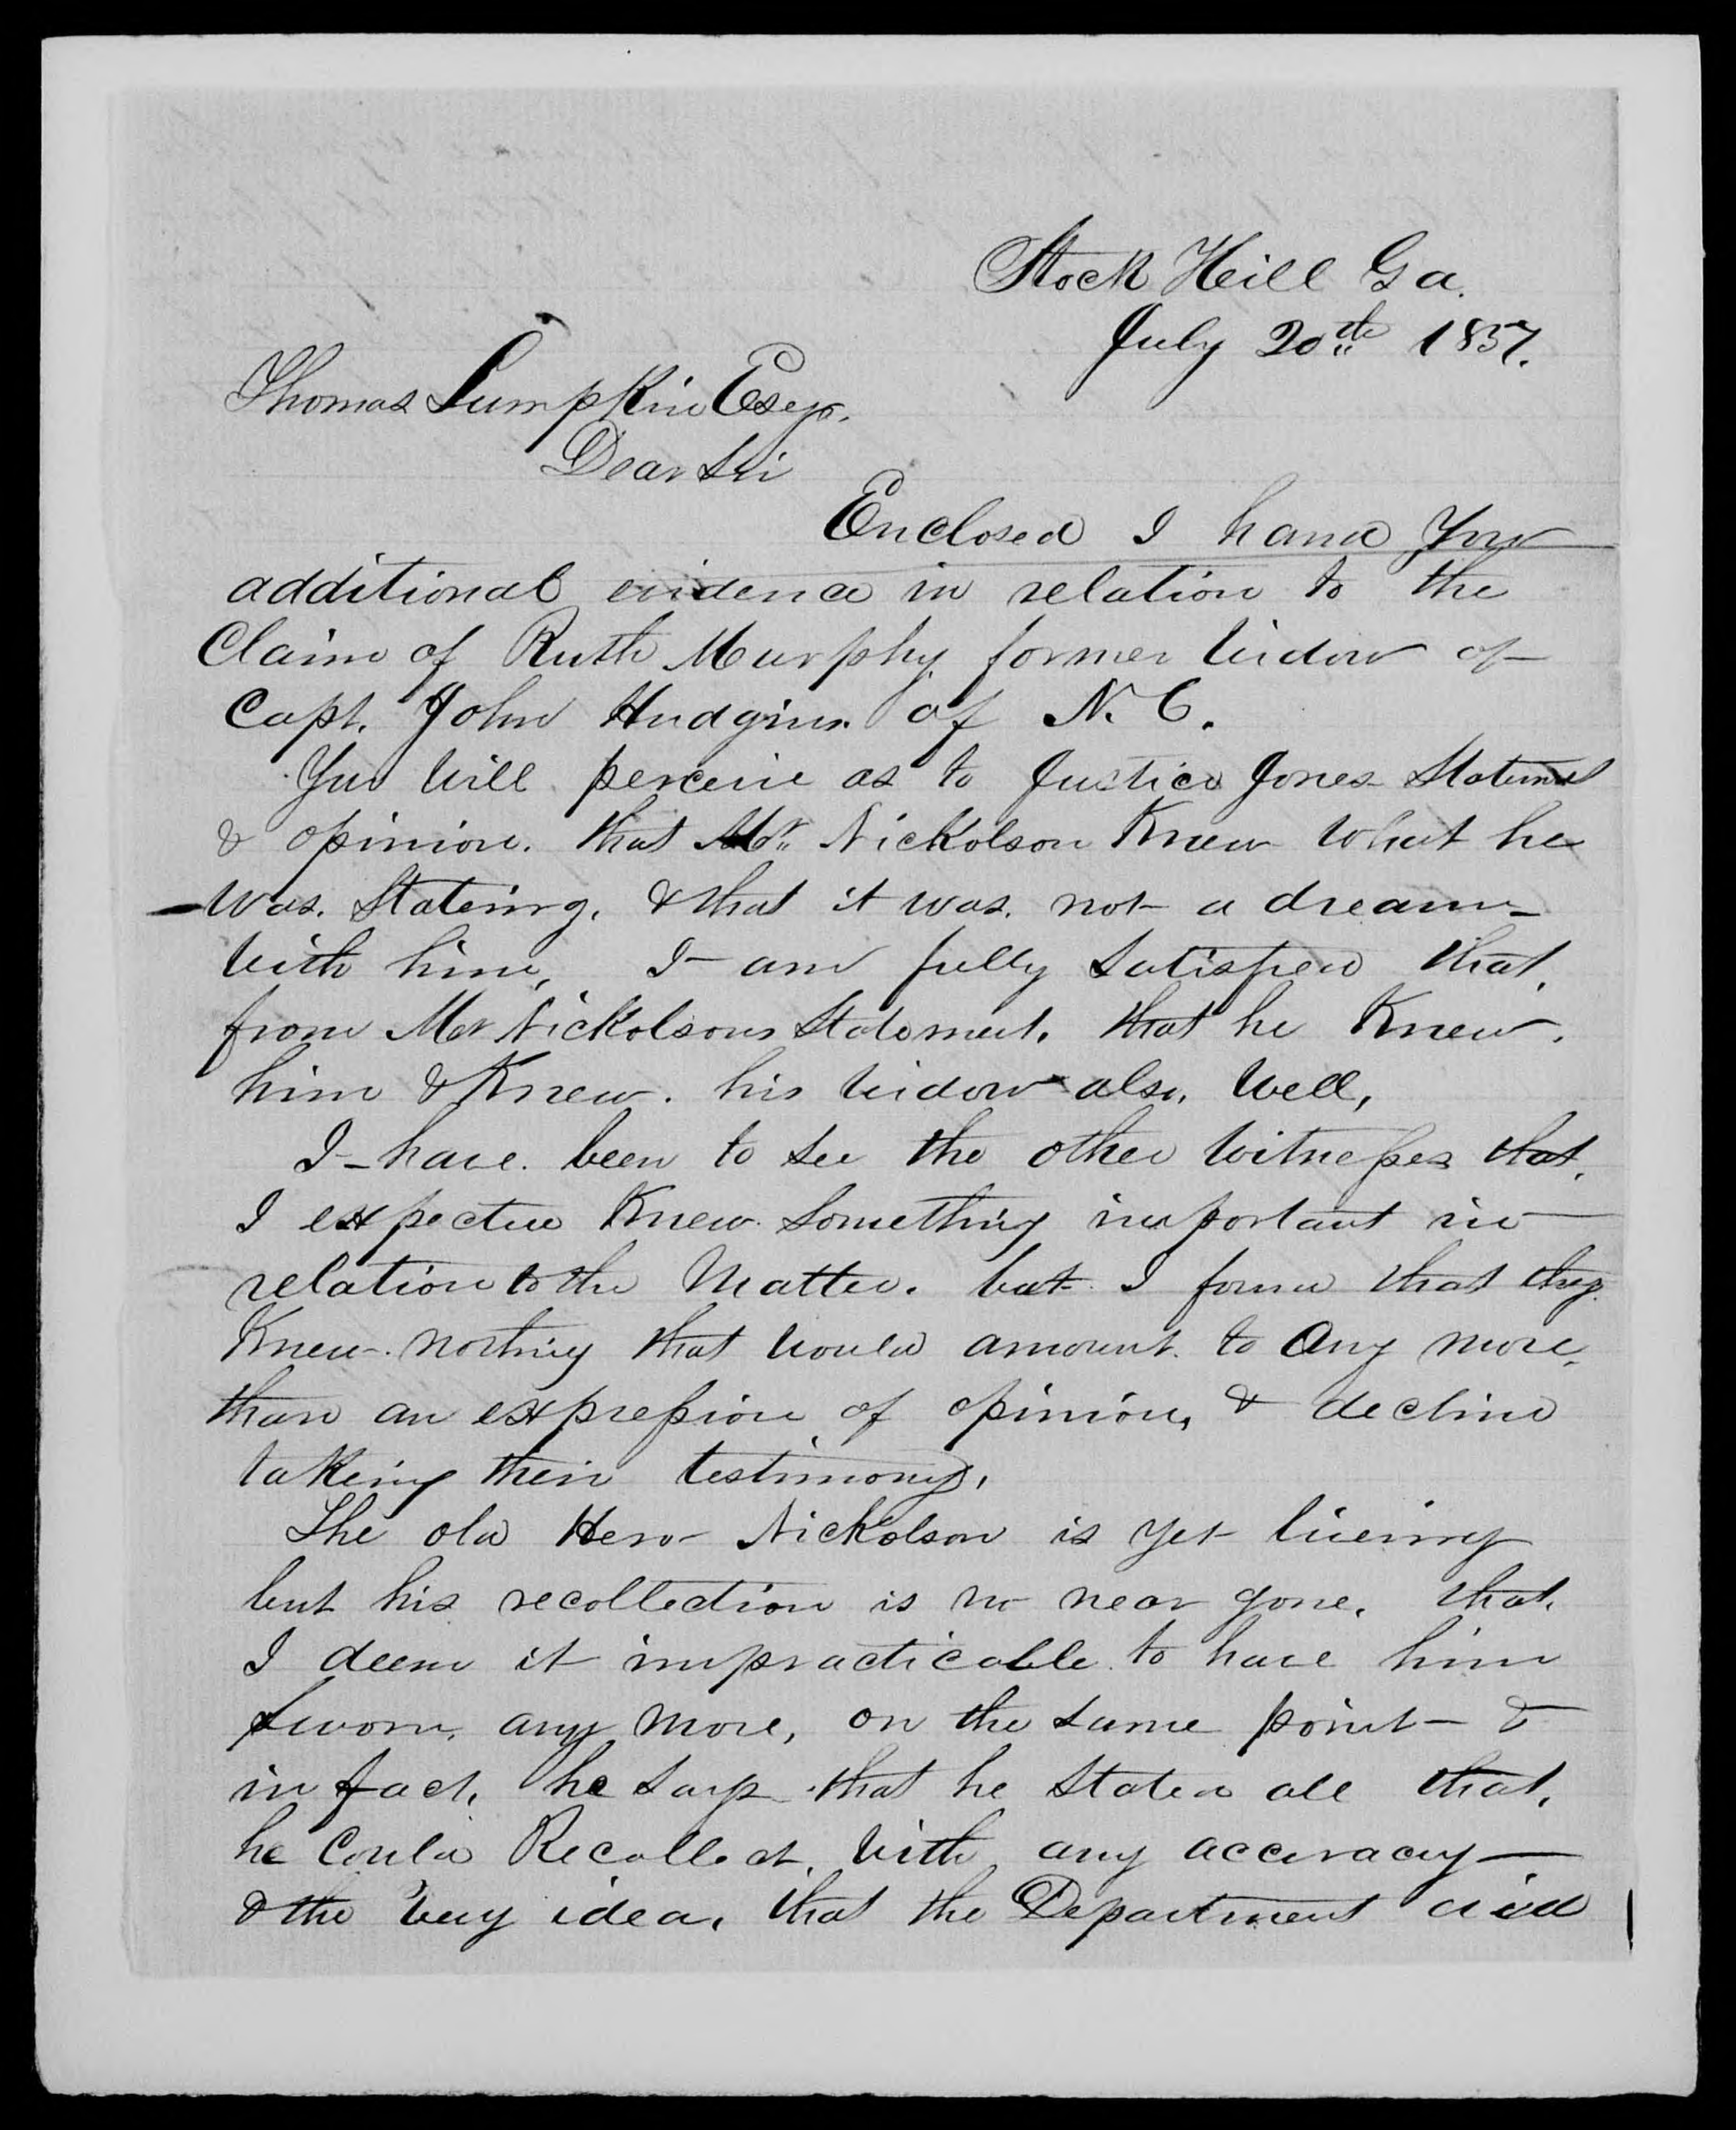Stocks Hill Ga
July 20th 1857
Thomas Lumpkin Esq
Dear Sir
Enclosed I hand you additional evidence in relation to the Capt John Hudgins of N.C.
You will receive as to Justice Jones statement and opinion that Capt Nicholson knew what he was stating that it was not a dream with him. I am fully satisfied that from Mr. Nicholsons statement that he knew him and knew his widow also. Well, I have been to see the other witnesses that I expected knew something important in relation to the matter. But I found that they knew nothing that would amount to any more than an impression of opinion and decline taking their testimony.
The old Mr Nicholson is yet living but his recollection is no near gone. That I deem it impracticable to have him sworn any more on the same point - andn in fact he says that he states all that he can’t recollect with any accuracy— and the any idea that the Department asaid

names: Thomas Lumpkin, Ruth Murphy, Jones Statum, John Hudgins, Nickolson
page: 34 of 108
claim: rejected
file: R. 7,515, John Hudgins, N.C.